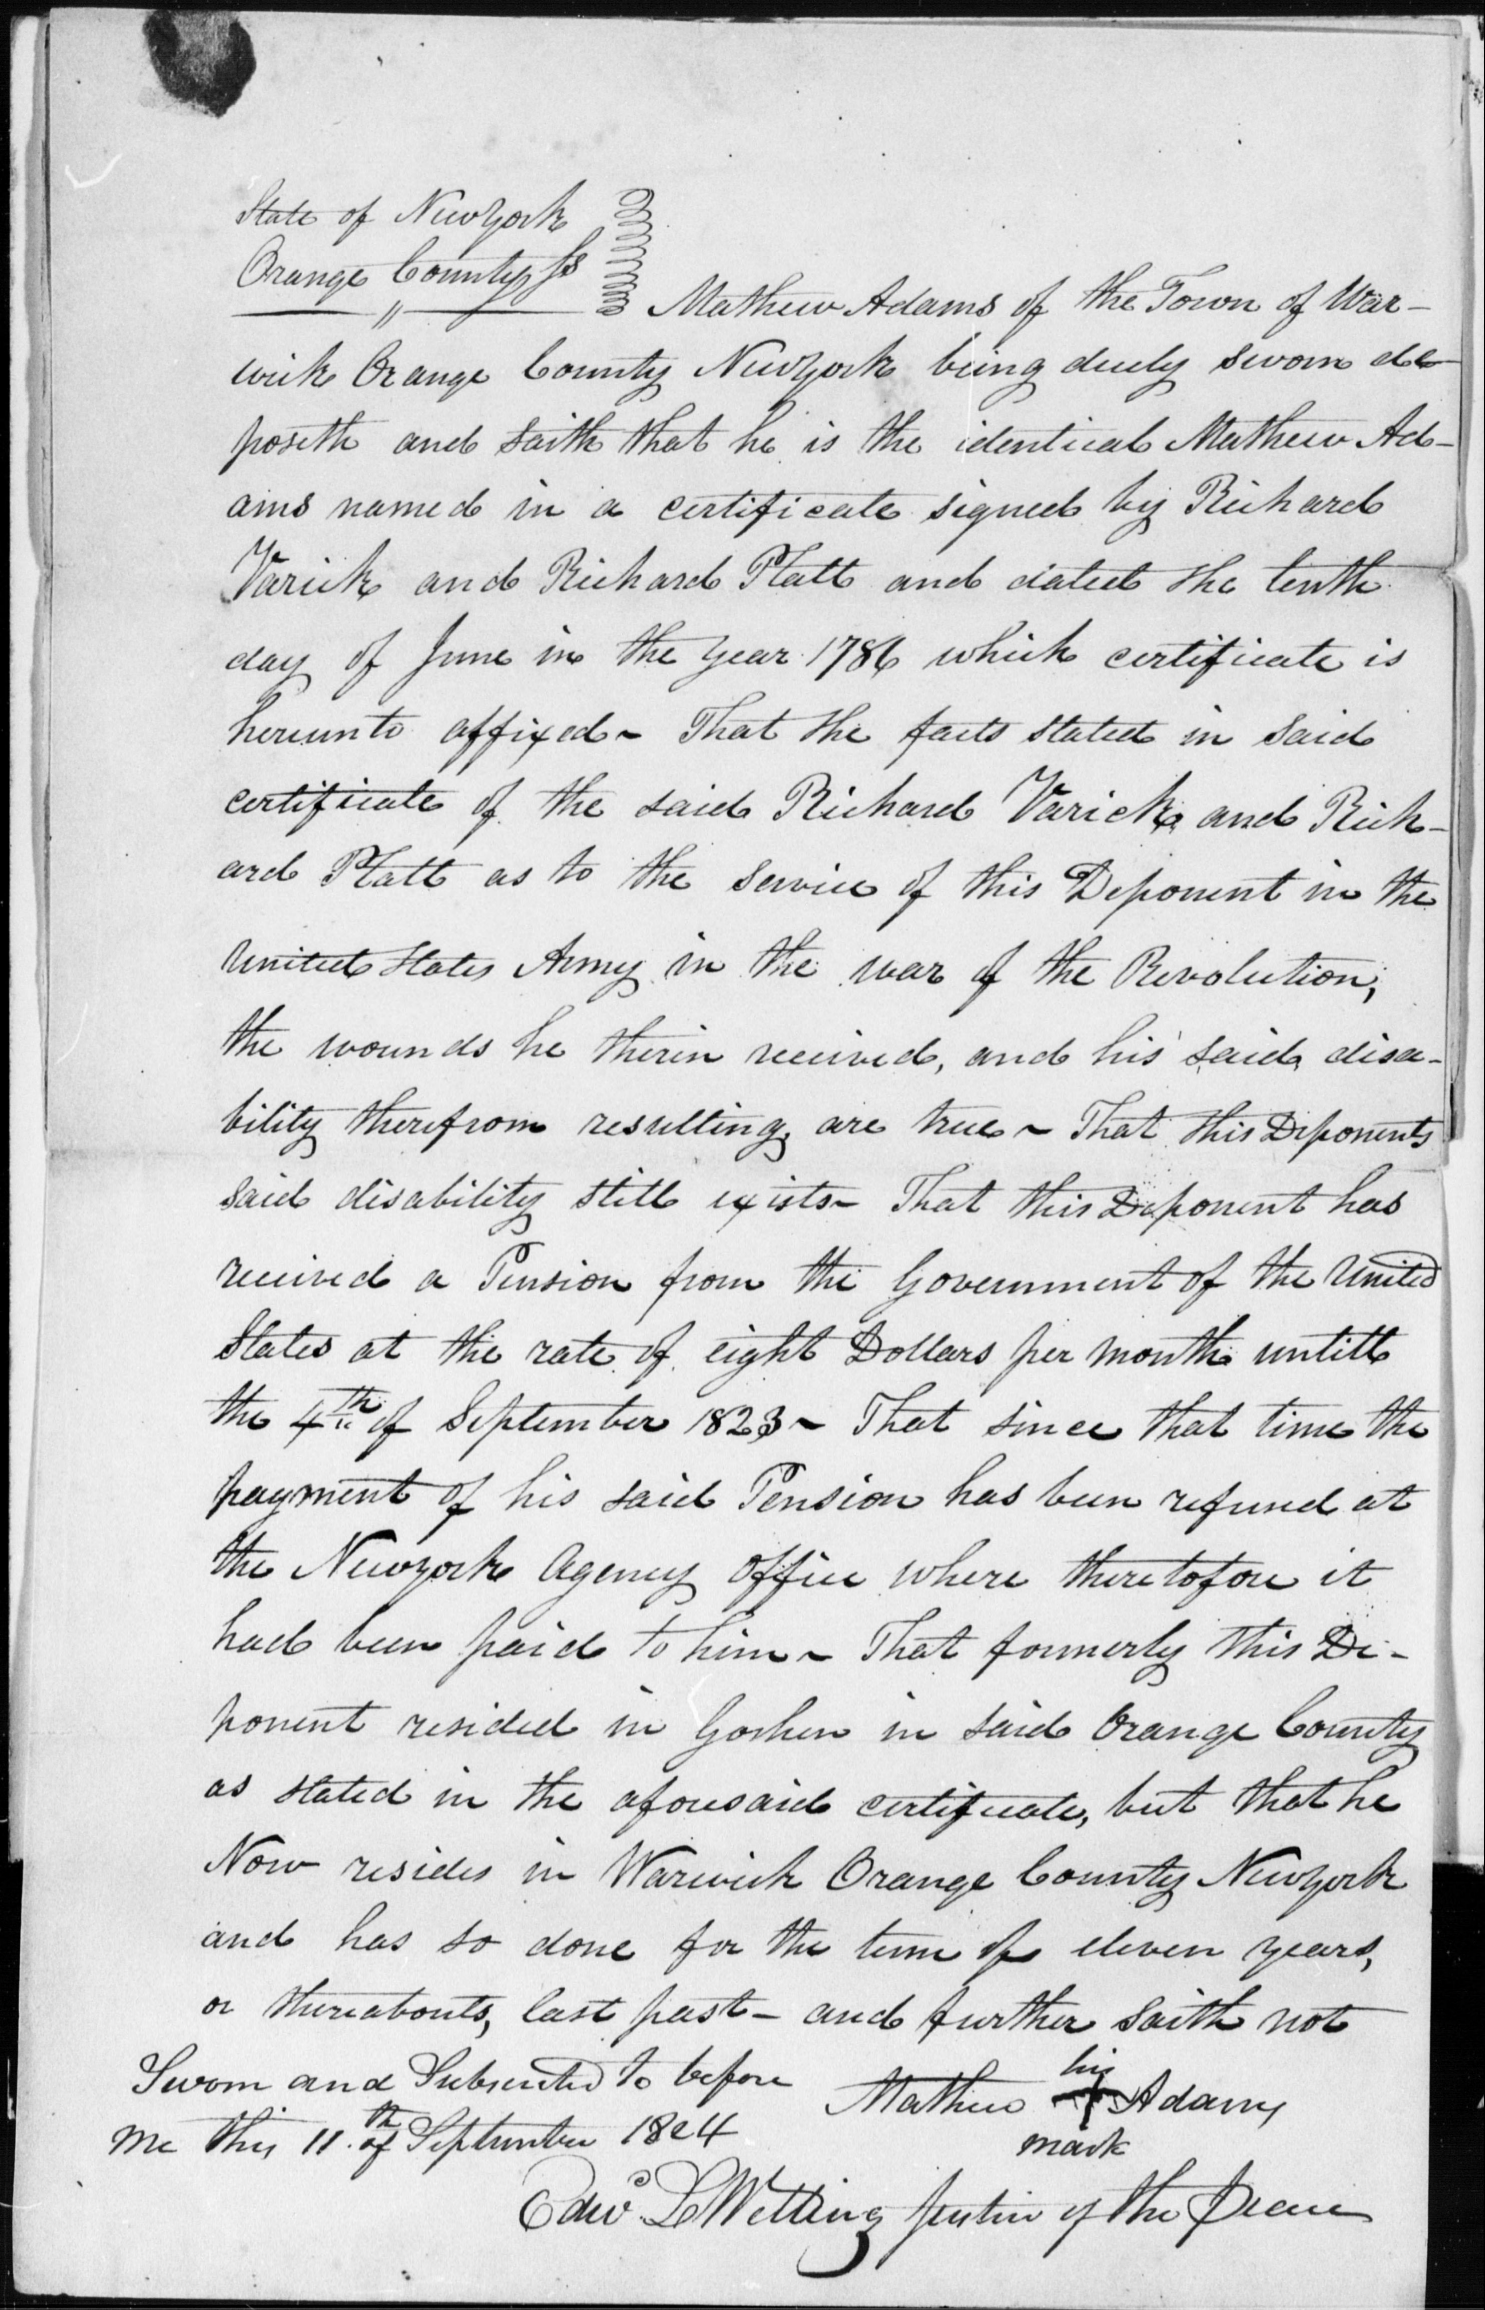State of New York
Orange County 
Matthew Adams of the Town of Warwick Orange County New York being duly sworn deposeth and saith that he is the identical Matthew Adams named in a certificate signed by Richard Varick and Richard Platts and details the tenth day of June in the year 1786 which certificate is hereunto affixed. That the facts stated in said certificate of the said Richard Varick and Richard Platt as to the service of the Deponent in the United States Army in the war of the Revolution, the wounds he therein received, and his said disability therefrom resulting are true. That this deponent’s said disability still exists. That this deponent has received a pension from the Government of the United States at the rate of eight dollars per month until the 4th of September 1823. That since that time the payments of his said pension has been refund at the Newburgh Agency office where theretofore it had been paid to him. That formerly this Deponent resided in Goshen in said Orange County as stated in the aforesaid certificate, but that he now resides in Warwick Orange County New York and he has so done for the time of eleven years, or thereabouts, last past, and further saith not.
Matthew Adams his mark X
Sworn and subscribed to before me this 11th of September 1824
Ewr. L. Welling Justice of the Peace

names: Richard Platt, Edwd L Welling, Richard Platt, Mathew Adams, Mathew Adams, Richard Varick, Richard Varick, Mathew Adams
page: 5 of 13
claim: survivor's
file: S. 28,212, Mathew Adams, New York